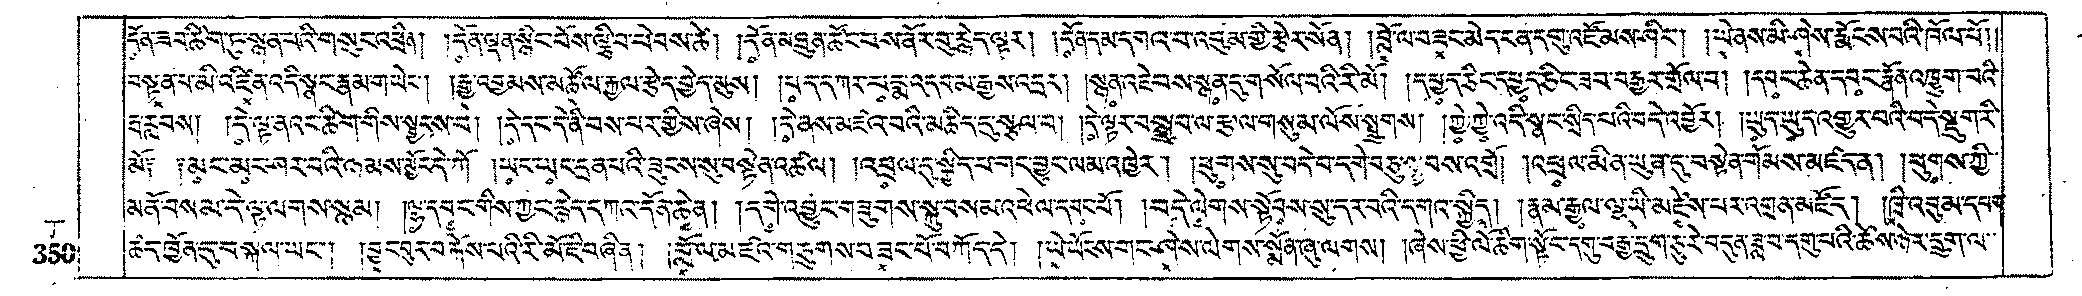དོན྾་ཟབ་ཚིག་ཏུ་སྙན་པའི་གསུང་འཕྲིན། །དོན྾་ལྡན་སྙིང་པོས་ལྕིབས་ཕེབས་ཚེ། །དོན྾་མཐུན་ཚོང་པས་ནོར་བུ་རྙེད་ལྟར། །དོན྾་དམ་དགའ་བ་འབུམ་གྱི་རྩེར་སོན། །བློ྾་ལ་བཟང྾་མེད་ངན་དགུ་འཛོམས་ཤིང་། །ཡེ྾་ནས་མི་ཤེས྾་རྨོངས་པའི་ཁོལ་པོ། །
བསྟན྾་པ་མི་འཛིན྾་འདི་སྣང་རྣམ་གཡེང་། །རྒྱ྾་འབྱམས་མཚོ་ལ྾་རྐྱལ་རྩེད་བྱེད་མུས། །པད྾་དཀར་པདམ྾་འདབ་མ་རྒྱས་འདྲར། །སྙན྾་འཇེབས་སྙན྾་དུ་གསོལ་བའི་རི་མོ། །དཔྱད྾་ཅིང་དཔྱད྾་ཅིང་ཟབ་བརྒྱར་གྲོལ་བ། །དབང྾་ཆེན་དབང྾་རྣོན་འཁྱུག་པའི་
རྦ་རླབས། །དེ྾་ལྟ་ནའང་ཚིག་གིས་སྦྱངས་བ། །དེ྾་དང་དེ་ནི་བས་པར་གྱིས་ཞེས། །དེ྾་ནས་མཛའ་བའི་མཆིད་དུ་སྩལ་བ། །དེ྾་ལྟར་བསྒྲུབ་ལ་རྩལ་གསུམ་ལོས་སྤྲུགས། །ཀྱེ྾་ཀྱེ྾་འདི་སྣང་སྲིད་པའི་བདེ་འབྱོར། །ཡུ྾་ཡུད྾་འགྱུར་བའི་བདེ་སྡུག་རི་
མོ༑ ༑མང྾་མང྾་ཤར་བའི་ཉམས་མྱོང་དེ་ཀོ །ཡང྾་ཡང྾་དྲན་པའི་ཟུངས་སུ་བསྟེན་འཚལ། །འཕྲལ྾་དུ་སྐྱིད་པ་གང་བྱུང་ལམ་འཁྱེར། །ཕུགས྾་སུ་བདེ་བ་དགེ་བཅུ་སྐྱབས་འགྲོ། །འཕྲལ྾་མིན་ཡུན་དུ་བསྟེན་གོམས་མཛད་ན། །ཕུགས྾་ཀྱི་་་
མནོ་བསམ་དེ་ལྟ་ལགས་སྙམ། །ལྷ྾་དབངཾ་གིས་ཀྱང་རྙེད་དཀའ་དོན་ཆེནཾ། །དགེཾ་འབྱུང་གཟུགས་སྐུ་བསམ་འཕེལ་དབང྾་པོ། །བདེ་ལེགསཾ་སྟོབས྾་སུ་དར་བའི་དགའ་སྐྱིད། །རྣམ་རྒྱལ྾་ལྷ་ཡི་མཛེས་པར་འགྲན་མཛོད། །ཁྲི྾་འབུམ་དཔག་
ཚད་ཁྱོན་དུ་བསྐལ་ཡང་། །བྱང྾་བུར་བརྐོས་པའི་རི་མོ་ཇི་བཞིན། །བློ྾་ལ་མཛའ་གཅུགས་བཟང྾་པོ་བཀོད་དེ། །ཡེ྾་ཡོངས་གང་ཤེས྾་ལེགས་སྨོན་ཞུ་ལགས། །ཞེས་ཕྱི་ལོ་ཆིག་སྟོང་དགུ་བརྒྱ་དྲུག་ཅུ་རེ་བདུན་ཟླ་བ་དགུ་པའི་ཚེས་ཉེར་དྲུག་ལ་་་